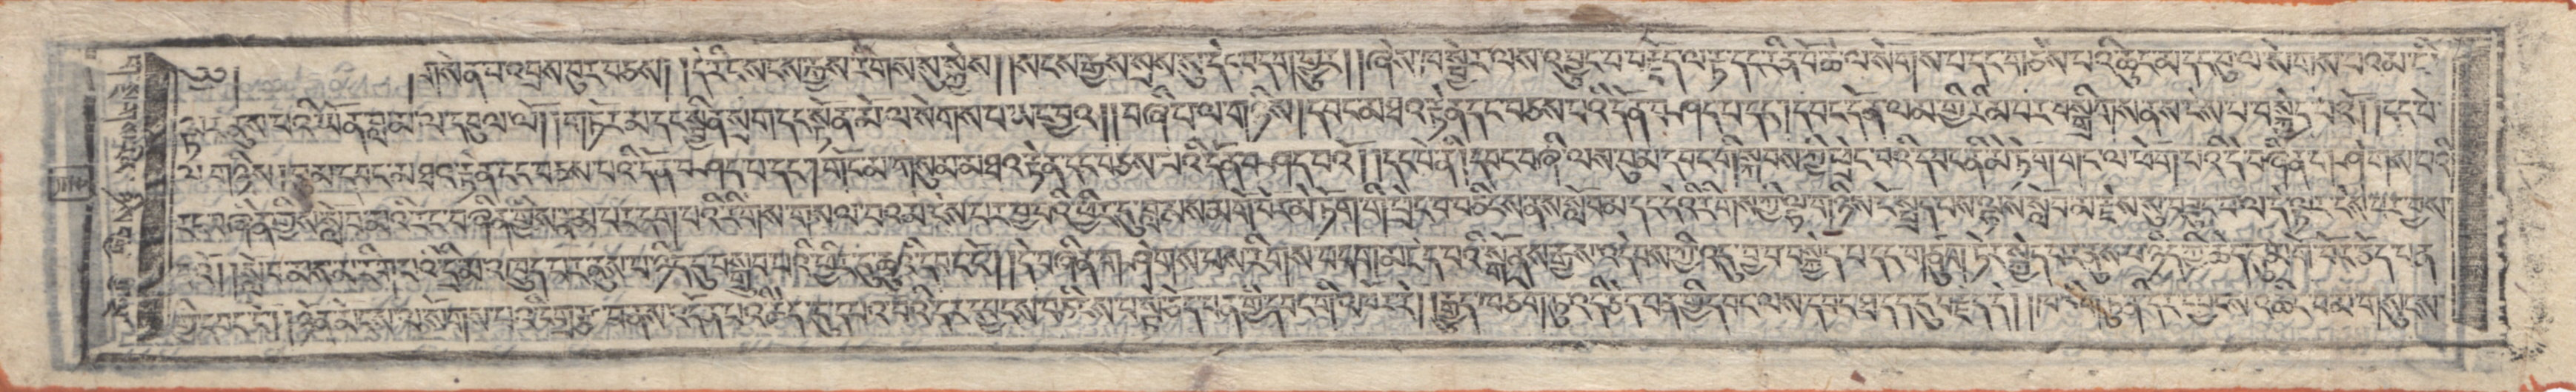༄༅། །གསེན་པ་འབྲས་བུར་བཅས། །དེ་རིང་སངས་རྒྱས་རིགས་སུ་སྐྱེས། །སངས་རྒྱས་སྲས་སུ་དེང་བདག་གྱུར། །ཞེས་ཁ་སྦྱོར་ལས་འབྱུང་བ་བརྗོད་ལ་རྟ་དང་རིན་པོ་ཆེ་ལ་སོགས་པ་དང་གཅེས་པའི་ཆུང་མ་དང་བུ་ལ་སོགས་པའམ་ཇི་
ལྟར་ནུས་པའི་ཡོན་བླ་མ་ལ་དབུལ་ལོ། །གཏོར་མ་དང་སྦྱིན་སྲོག་དང་སྟོན་མོ་ལ་སོགས་པ་ཡང་བྱའོ། །བཞི་པ་ལ་གཉིས། དབང་མཐའ་རྟེན་དང་བཅས་པའི་དོན་བཤད་པ་དང་། དབང་དོན་ལམ་གྱི་རིམ་པར་བསྒྲིགས་ནས་ངེས་པ་བསྐྱེད་པའོ། །དང་པོ་
ལ་གཉིས་།བུམ་དབང་མཐའ་རྟེན་དང་བཅས་པའི་དོན་བཤད་པ་དང་། གོང་མ་གསུམ་མཐའ་རྟེན་དང་བཅས་པའི་དོན་བཤད་པའོ། །དང་པོ་ནི། དབང་བཞི་ལས་བུམ་དབང་གི་སྐབས་ཀྱི་ཕྲེང་བའི་དབང་ནི་མེ་ཏོག་གང་ལ་ཕོག་པའི་དེ་བཞིན་གཤེགས་པའི་
རང་བཞིན་གྱིས་སློབ་མའི་རང་བཞིན་གྱིས་རྣམ་པར་དག་པའི་རིགས་གསལ་བའམ་ངེས་པར་བྱ་བའི་ཕྱིར་དུ་བླ་མས་མགོ་བོར་མེ་ཏོག་གི་ཕྲེང་བ་བཅིངས་ནས་སློབ་མ་དང་དེའི་རིགས་ཀྱི་ལྷ་གཉིས་ངོ་སྤྲད་པས་ལྷས་སློབ་མ་རྗེས་སུ་བཟུང་བ་ལ་དེ་ལྟར་ངེས་པར་བྱས་
བའོ། །སློབ་མས་མ་རིག་པའི་དྲི་མ་འཁྲུད་པར་ནུས་པ་ཉིད་དུ་བསྒྲུབ་པའི་ཕྱིར་དུ་ཆུའི་དབང་ངོ། །དེ་བཞིན་གཤེགས་པས་རིགས་བདག་མཛད་པའི་སྒོ་ནས་རྒྱས་འདེབས་ཀྱི་འདུ་བྱ་བ་བསྐྱེད་པ་དང་གཙུག་ཏོར་སྐྱེད་པར་ནུས་པ་ཉིད་ཀྱི་ཆེད་དུ་མགོ་བོར་ཅོད་པན་
གྱི་དབང་ངོ། །ཉོན་མོངས་ལ་སོགས་པའི་དགྲ་རྩ་བ་ནས་འདོན་པའི་ཆེད་དུ་དཔའ་བོའི་དར་དབྱངས་བཅིངས་པ་སྟེ་ཅོད་པན་གྱི་དབང་གི་འཁོར་རོ། །རྒྱུད་ཁ་ཅིག་ཏུ་འདི་ཅོད་པན་གྱི་དབང་ལས་དབང་ཐ་དད་དུ་བརྗོད་དོ། །ཁ་ཅིག་ཏུ་ནི་དར་དཔྱངས་འཆིང་བ་མ་གསུངས་